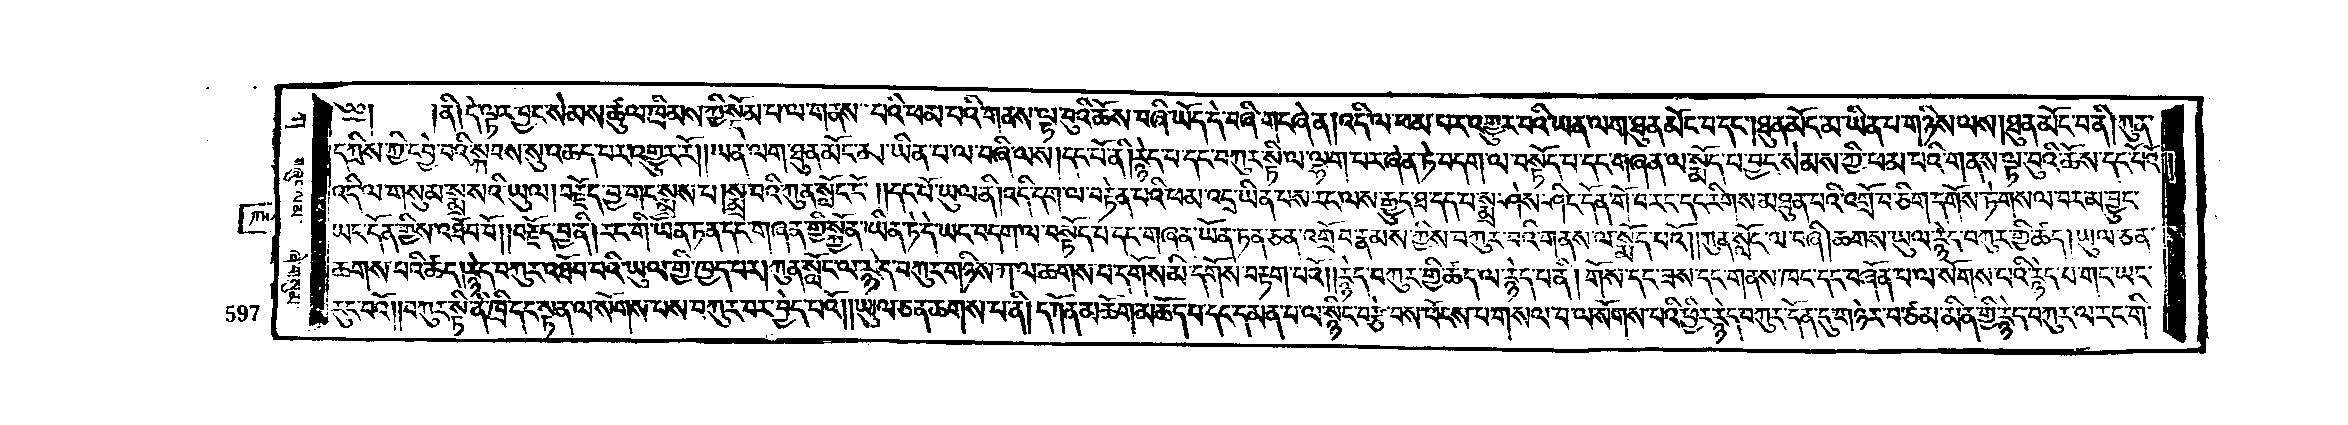༄༅། །ནི། དེ་ལྟར་བྱང་སེམས་ཚུལ་ཁྲིམས་ཀྱི་སྡོམ་པ་ལ་གནས་པའི་ཕམ་པའི་གནས་ལྟ་བུའི་ཆོས་བཞི་ཡོད་དེ་བཞི་གང་ཞེ་ན། འདི་ལ་ཕམ་པར་འགྱུར་བའི་ཡན་ལག་ཐུན་མོང་བ་དང་། ཐུན་མོང་མ་ཡིན་པ་གཉིས་ལས། ཐུན་མོང་བ་ནི། ཀུན་
དཀྲིས་ཀྱི་དབྱེ་བའི་སྐབས་སུ་འཆད་པར་འགྱུར་རོ། །ཡན་ལག་ཐུན་མོང་མ་ཡིན་པ་ལ་བཞི་ལས། དང་པོ་ནི། རྙེད་པ་དང་བཀུར་སྟི་ལ་ལྷག་པར་ཞེན་ཏེ་བདག་ལ་བསྟོད་པ་དང་གཞན་ལ་སྨོད་པ་བྱང་སེམས་ཀྱི་ཕམ་པའི་གནས་ལྟ་བུའི་ཆོས་དྣག་པོའོ་
འདི་ལ་གསུམ་སྨྲ་སའི་ཡུལ། བརྗོད་བྱ་གང་སྨྲས་པ། སྨྲ་བའི་ཀུན་སློང་ངོ། །དང་པོ་ཡུལ་ནི། འདི་དག་ལ་བརྟེན་པའི་ཕམ་འདྲ་ཡིན་པས་རང་ལས་རྒྱུད་ཐ་དད་པ་སྨྲ་ཤེས་ཤིང་དོན་གོ་བ་རང་དང་རིགས་མཐུན་པའི་འགྲོ་བ་ཅིག་དགོས་ཏེ་གསལ་བར་མ་བྱུང་
ཡང་དོན་གྱིས་འཐོབ་བོ། །བརྗོད་བྱ་ནི། རང་གི་ཡོན་ཏན་དང་གཞན་གྱི་སྐྱོན་ཡིན་ཏེ་དེ་ཡང་བདག་ལ་བསྟོད་པ་དང་གཞན་ཡོན་ཏན་ཅན་འགྲོ་བ་རྣམས་ཀྱིས་བཀུར་བའི་གནས་ལ་སྨོད་པའོ། །ཀུན་སློང་ལ་བཞི། ཆགས་ཡུལ་རྙེད་བཀུར་གྱི་ཚད། ཡུལ་ཅན་
ཆགས་པའི་ཚད། རྙེད་བཀུར་འཐོབ་པའི་ཡུལ་གྱི་ཁྱད་པར། ཀུན་སློང་ལ་རྙེད་བཀུར་གཉིས་ཀ་ལ་ཆགས་པ་དགོས་མི་དགོས་བརྟག་པའོ། །རྙེད་བཀུར་གྱི་ཚད་ལ་རྙེད་པ་ནི། གོས་དང་ཟས་དང་གནས་ཁང་དང་བཞོན་པ་ལ་སོགས་པའི་རྙེད་པ་གང་ཡང་
རུང་བའོ། །བཀུར་སྟི་ནི་ཁྲི་དང་སྟན་ལ་སོགས་པས་བཀུར་བར་བྱེད་པའོ། །ཡུལ་ཅན་ཆགས་པ་ནི། དཀོན་མཆོག་མཆོད་པ་དང་དམན་པ་ལ་སྙིང་བརྩེ་བས་ཕོངས་པ་གསལ་བ་ལ་སོགས་པའི་ཕྱིར་རྙེད་བཀུར་དོན་དུ་གཉེར་བ་ཙམ་མིན་གྱི་རྙེད་བཀུར་ལ་རང་གི་